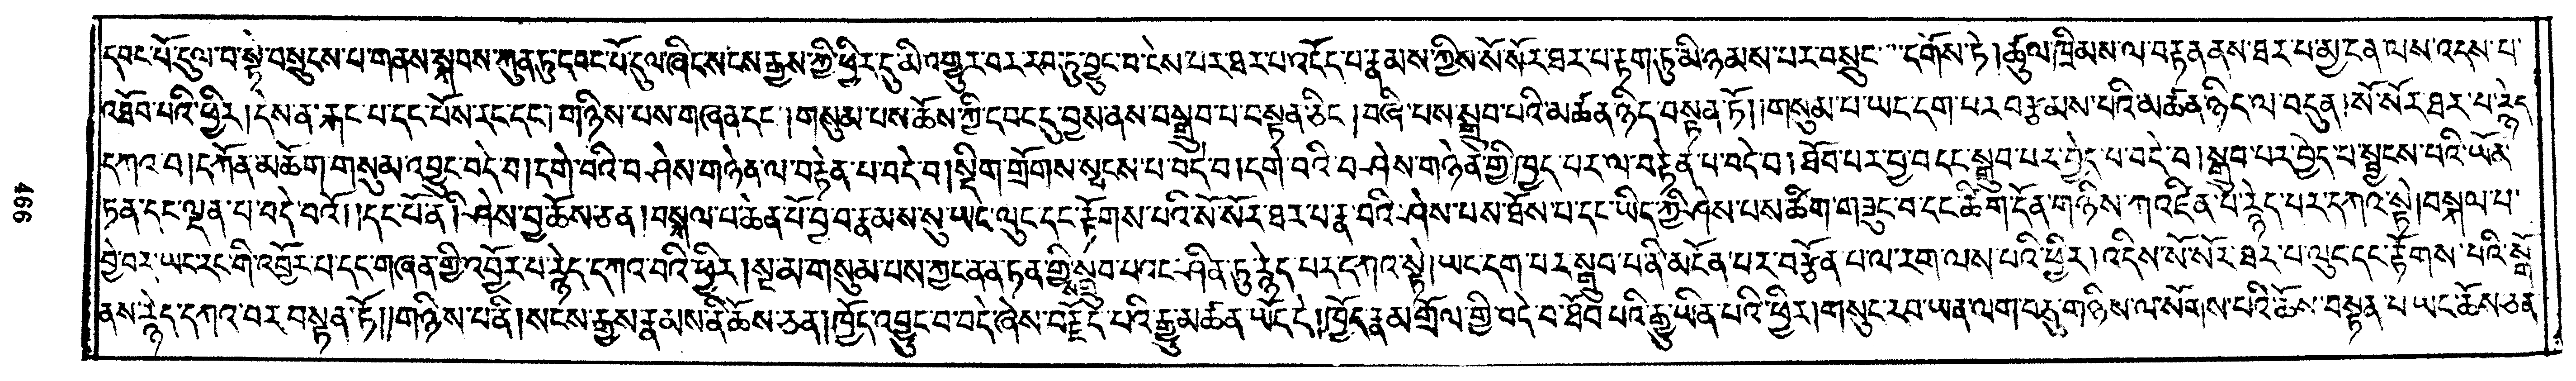དབང་པོ་དུལ་བ་སྟེ་བསྲུངས་པ་གནས་སྐབས་ཀུན་ཏུ་དབང་པོ་དུལ་ཞིང་སངས་རྒྱས་ཀྱི་ཕྱིར་དུ་མི་འགྱུར་བར་རབ་ཏུ་བྱུང་བ་ངེས་པར་ཐར་པ་འདོད་པ་རྣམས་ཀྱིས་སོ་སོར་ཐར་པ་རྟག་ཏུ་མི་ཉམས་པར་བསྲུང་དགོས་ཏེ་།ཚུལ་ཁྲིམས་ལ་བརྟན་ནས་གྲོགས་བཟང་པོ་རྙེད་པར་གྱུར་ནས་སོ་སོར་ཐར་པ་ལ་ནན་
ཏན་འཐོབ་པའི་ཕྱིར་།དེས་ན་རྐང་པ་དང་པོས་རང་དང་། གཉིས་པས་གཞན་དང་། གསུམ་པས་ཆོས་ཀྱི་དབང་དུ་བྱས་ནས་བསྒྲུབ་པ་བསྟན་ཅིང་།བཞི་པས་སྒྲུབ་པའི་མཚན་ཉིད་བསྟན་ཏོ། །གསུམ་པ་ཡང་དག་པར་བརྩམས་པའི་མཚན་ཉིད་ལ་བདུན་།སོ་སོར་ཐར་པ་རྙེད་
དཀའ་བ་།དཀོན་མཆོག་གསུམ་འབྱུང་བདེ་བ། དགེ་བའི་བཤེས་གཉེན་ལ་བརྟེན་པ་བདེ་བ་།སྡིག་གྲོགས་སྤངས་པ་བདེ་བ་།དགེ་བའི་བཤེས་གཉེན་གྱི་ཁྱད་པར་ལ་བརྟེན་པ་བདེ་བ་།ཐོབ་པར་བྱ་བ་དང་སྒྲུབ་པར་བྱེད་པར་བདེ་བ་།སྒྲུབ་པར་བྱེད་པ་སྦྱངས་པའི་ཡོན་
ཏན་དང་ལྡན་པ་བདེ་བའོ། །དང་པོ་ནི། ཤེས་བྱ་ཆོས་ཅན། བསྐལ་པ་ཆེན་པོ་བྱ་བ་རྣམས་སུ་ཡང་ལུང་དང་རྟོགས་པའི་སོ་སོར་ཐར་པ་རྣ་བའི་ཤེས་པས་ཐོས་པ་དང་ཡིད་ཀྱི་ཤེས་པས་ཚིག་གཟུང་བ་དང་ཚིག་དོན་གཉིས་ཀ་འཛིན་པ་རྙེད་པར་དཀའ་སྟེ། བསྐལ་པ་
བྱེ་བར་ཡང་རང་གི་འབྱོར་པ་དང་གཞན་གྱི་འབྱོར་པ་རྙེད་དཀའ་བའི་ཕྱིར། སྔ་མ་གསུམ་པས་ཀྱང་ནན་ཏན་གྱིས་སྒྲུབ་པའང་ཤིན་ཏུ་རྙེད་པར་དཀའ་སྟེ། ཡང་དག་པར་སྒྲུབ་པ་ནི་མངོན་པར་བརྩོན་པ་ལ་རག་ལས་པའི་ཕྱིར། འདིས་སོ་སོར་ཐར་པ་ལུང་དང་རྟོགས་པའི་སྒོ་
ནས་རྙེད་དཀའ་བར་བསྟན་ཏོ།།གཉིས་པ་ནི།སངས་རྒྱས་རྣམས་ནི་ཆོས་ཅན།ཁྱོད་འབྱུང་བ་བདེ་ཞེས་བརྗོད་པའི་རྒྱུ་མཚན་ཡོད་དེ། ཁྱོད་རྣམ་གྲོལ་གྱི་བདེ་བ་ཐོབ་པའི་རྒྱུ་ཡིན་པའི་ཕྱིར། གསུང་རབ་ཡན་ལག་བཅུ་གཉིས་ལ་སོགས་པའི་ཆོས་བསྟན་པ་ཡང་ཆོས་ཅན་